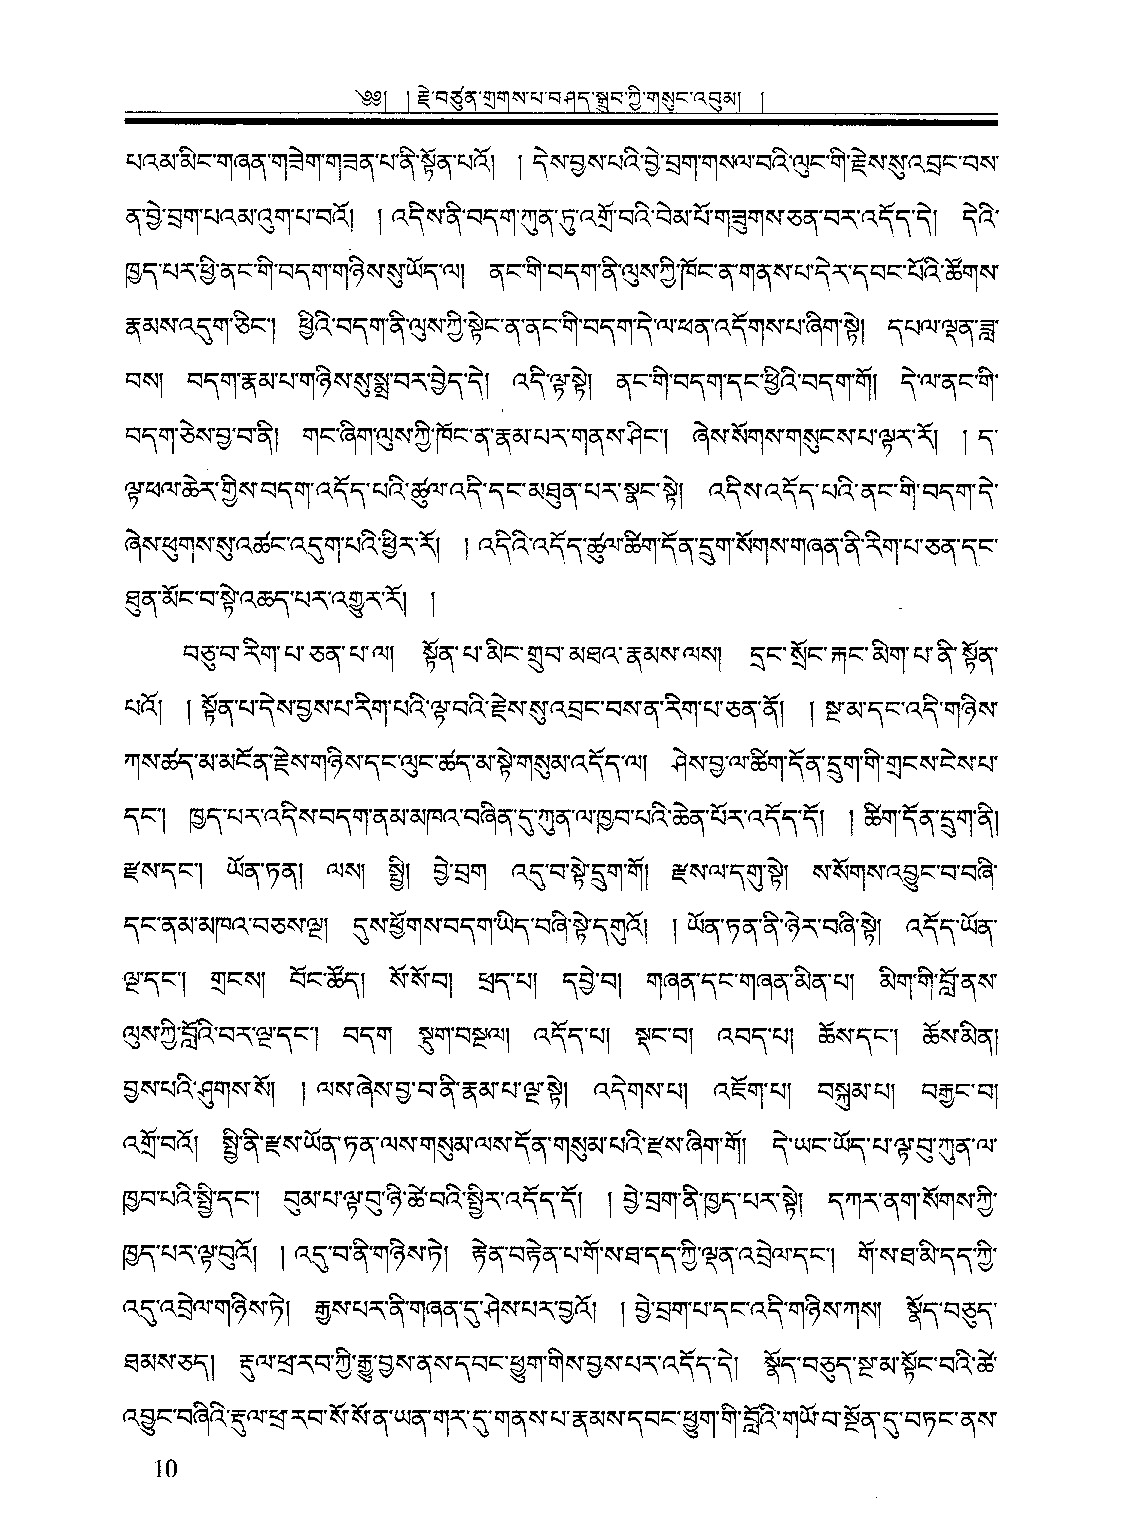པའམ་མིང་གཞན་གཟེག་གཟན་པ་ནི་སྟོན་པའོ། །དེས་བྱས་པའི་བྱེ་བྲག་གསལ་བའི་ལུང་གི་རྗེས་སུ་འབྲང་བས་
ན་བྱེ་བྲག་པའམ་འུག་པ་བའོ། །འདིས་ནི་བདག་ཀུན་ཏུ་འགྲོ་བའི་བེམ་པོ་གཟུགས་ཅན་བར་འདོད་དེ། དེའི་
ཁྱད་པར་ཕྱི་ནང་གི་བདག་གཉིས་སུ་ཡོད་ལ། ནང་གི་བདག་ནི་ལུས་ཀྱི་ཁོང་ན་གནས་པ་དེར་དབང་པོའི་ཚོགས་
རྣམས་འདུག་ཅིང་། ཕྱིའི་བདག་ནི་ལུས་ཀྱི་སྟེང་ན་ནང་གི་བདག་དེ་ལ་ཕན་འདོགས་པ་ཞིག་སྟེ། དཔལ་ལྡན་ཟླ་
བས། བདག་རྣམ་པ་གཉིས་སུ་སྨྲ་བར་བྱེད་དེ། འདི་ལྟ་སྟེ། ནང་གི་བདག་དང་ཕྱིའི་བདག་གོ། དེ་ལ་ནང་གི་
བདག་ཅེས་བྱ་བ་ནི། གང་ཞིག་ལུས་ཀྱི་ཁོང་ན་རྣམ་པར་གནས་ཤིང་། ཞེས་སོགས་གསུངས་པ་ལྟར་རོ། །ད་
ལྟ་ཕལ་ཆེར་གྱིས་བདག་འདོད་པའི་ཚུལ་འདི་དང་མཐུན་པར་སྣང་སྟེ། འདིས་འདོད་པའི་ནང་གི་བདག་དེ་
ཞེས་ཕུགས་སུ་འཚང་འདུག་པའི་ཕྱིར་རོ། །འདིའི་འདོད་ཚུལ་ཚིག་དོན་དྲུག་སོགས་གཞན་ནི་རིག་པ་ཅན་དང་
ཐུན་མོང་བ་སྟེ་འཆད་པར་འགྱུར་རོ། །
བཅུ་བ་རིག་པ་ཅན་པ་ལ། སྟོན་པ་མིང་གྲུབ་མཐའ་རྣམས་ལས། དྲང་སྲོང་རྐང་མིག་པ་ནི་སྟོན་
པའོ། །སྟོན་པ་དེས་བྱས་པ་རིག་པའི་ལྟ་བའི་རྗེས་སུ་འབྲང་བས་ན་རིག་པ་ཅན་ནོ། །སྔ་མ་དང་འདི་གཉིས་
ཀས་ཚད་མ་མངོན་རྗེས་གཉིས་དང་ལུང་ཚད་མ་སྟེ་གསུམ་འདོད་ལ། ཤེས་བྱ་ལ་ཚིག་དོན་དྲུག་གི་གྲངས་ངེས་པ་
དང་། ཁྱད་པར་འདིས་བདག་ནམ་མཁའ་བཞིན་དུ་ཀུན་ལ་ཁྱབ་པའི་ཆེན་པོར་འདོད་དོ། །ཚིག་དོན་དྲུག་ནི།
རྫས་དང་། ཡོན་ཏན། ལས། སྤྱི། བྱེ་བྲག་འདུ་བ་སྟེ་དྲུག་གོ། རྫས་ལ་དགུ་སྟེ། ས་སོགས་འབྱུང་བ་བཞི་
དང་ནམ་མཁའ་བཅས་ལྔ། དུས་ཕྱོགས་བདག་ཡིད་བཞི་སྟེ་དགུའོ། །ཡོན་ཏན་ནི་ཉེར་བཞི་སྟེ། འདོད་ཡོན་
ལྔ་དང་། གྲངས། བོང་ཚོད། སོ་སོ་བ། ཕྲད་པ། དབྱེ་བ། གཞན་དང་གཞན་མིན་པ། མིག་གི་བློ་ནས་
ལུས་ཀྱི་བློའི་བར་ལྔ་དང་། བདག་སྡུག་བསྔལ། འདོད་པ། སྡང་བ། འབད་པ། ཆོས་དང་། ཆོས་མིན།
བྱས་པའི་ཤུགས་སོ། །ལས་ཞེས་བྱ་བ་ནི་རྣམ་པ་ལྔ་སྟེ། འདེགས་པ། འཇོག་པ། བསྐུམ་པ། བརྒྱང་བ།
འགྲོ་བའོ། སྤྱི་ནི་རྫས་ཡོན་ཏན་ལས་གསུམ་ལས་དོན་གསུམ་པའི་རྫས་ཞིག་གོ། དེ་ཡང་ཡོད་པ་ལྟ་བུ་ཀུན་ལ་
ཁྱབ་པའི་སྤྱི་དང་། བུམ་པ་ལྟ་བུ་ཉི་ཚེ་བའི་སྤྱིར་འདོད་དོ། །བྱེ་བྲག་ནི་ཁྱད་པར་སྟེ། དཀར་ནག་སོགས་ཀྱི་
ཁྱད་པར་ལྟ་བུའོ། །འདུ་བ་ནི་གཉིས་ཏེ། རྟེན་བརྟེན་པ་གོ་ས་ཐ་དད་ཀྱི་ལྡན་འབྲེལ་དང་། གོ་ས་ཐ་མི་དད་ཀྱི་
འདུ་འབྲེལ་གཉིས་ཏེ། རྒྱས་པར་ནི་གཞན་དུ་ཤེས་པར་བྱའོ། །བྱེ་བྲག་པ་དང་འདི་གཉིས་ཀས། སྣོད་བཅུད་
ཐམས་ཅད། རྡུལ་ཕྲ་རབ་ཀྱི་རྒྱུ་བྱས་ནས་དབང་ཕྱུག་གིས་བྱས་པར་འདོད་དེ། སྣོད་བཅུད་སྔ་མ་སྟོང་བའི་ཚེ་
འབྱུང་བཞིའི་རྡུལ་ཕྲ་རབ་སོ་སོ་ན་ཡན་གར་དུ་གནས་པ་རྣམས་དབང་ཕྱུག་གི་བློའི་གཡོ་བ་སྔོན་དུ་བཏང་ནས་